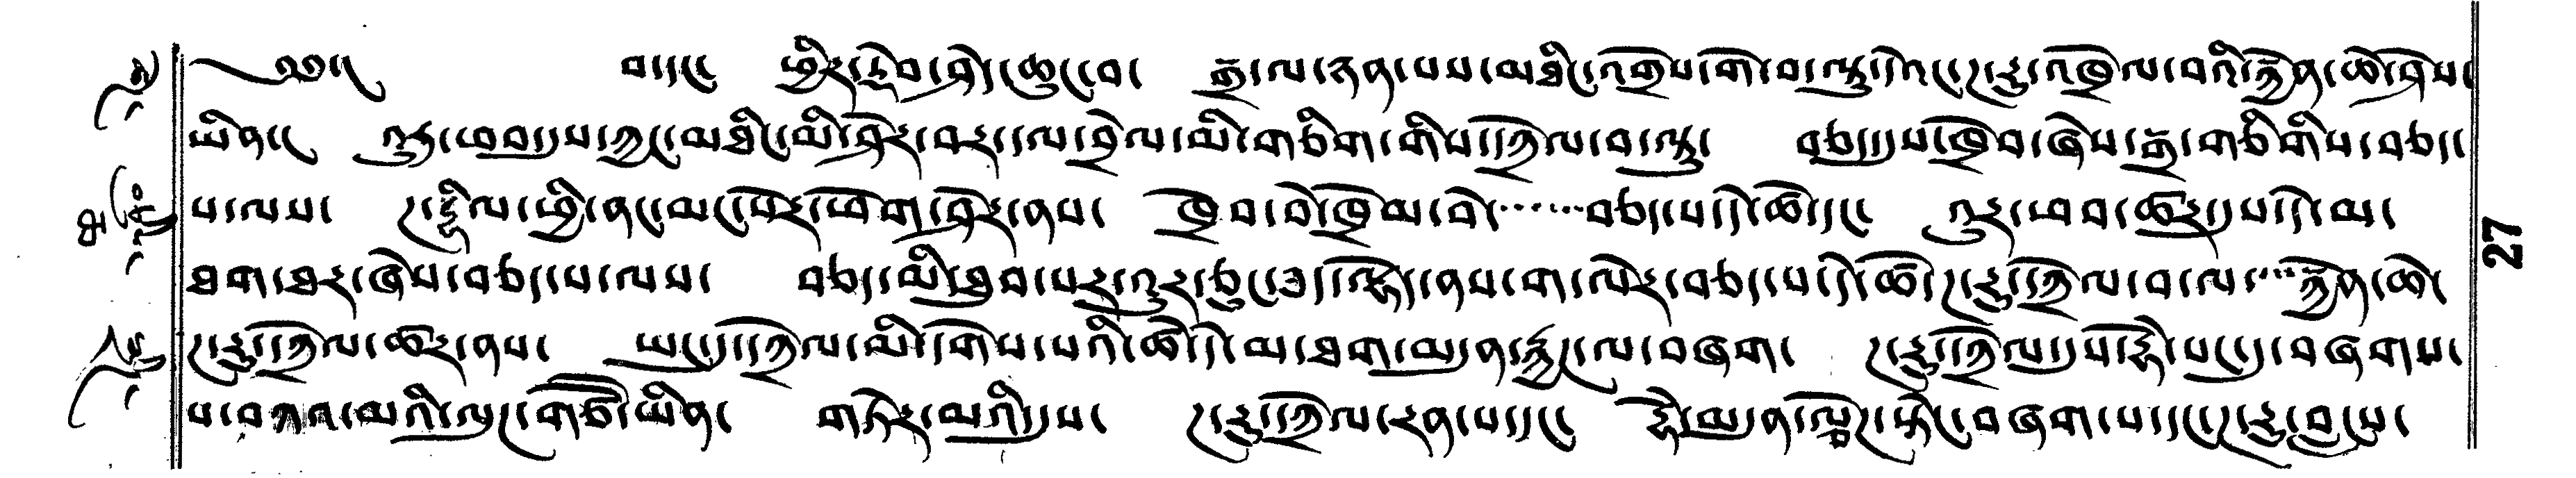བ་དང་། ཕྱིར་རྡེབ་ཤེད་ཆུང་བ། སྒྲ་ལ་ཉན་པས། འཐེང་འགྲོས་གོ་བ་ལྟ་བུ་དེ་ཌཱ་རུ་འཁྲོལ་བའི་སྐྱོན་ཆེ་ཤོས་
ཡིན། འུར་ཕབ་དུས་ཀྱང་འཐེང་མི་ཤོར་བར་དལ་བྲེལ་མི་གཅིག་གིས་དཀྲོལ་བ་ལྟ་བུ། བཅད་དུས་ཁྲོབ་ཞེས་སྒྲ་གཅིག་གིས་གཅོད་
པ་ལས། ཌཱ་རྡིལ་ཕྱི་ནང་མང་པོར་ཕོག་ཤོར་ནས། ཁྲོབ་བེ་ཁྲོབ་བི་བཅད་པ་དེ་ཚོ་དང་། འུར་ཕབ་ཚར་དུས་དེ་མ་
ཐག་ཐར་ཞེས་གཅོད་པ་ལས། གཅོད་མི་ཐུབ་པར་འུར་ཅུང་ཟད་ལྷོད་ནས་ག་ལེར་བཅད་པ་དེ་ཚོ་ཌཱ་རུ་དཀྲོལ་བ་ལ་སྐྱོན་ཆེ། 
ཌཱ་རུ་དཀྲོལ་ཚར་ནས། ཡང་དུ་དཀྲོལ་མི་དགོས་པའི་ཚེ་དེ་མ་ཐག་མདུན་རྐྱགས་ལ་བཞག ཌཱ་རུ་དཀྲོལ་དུས་རྡོ་རྗེ་པང་དུ་བཞག་
པ་བཀའ་མའི་ལུགས་གཙོ་བོ་ཡིན། གཏེར་མའི་དུས། ཌཱ་རུ་དཀྲོལ་རན་པ་དང་། རྡོ་རྗེ་མདུན་ལྕོག་སྟེང་བཞག་པ་དང་ཌཱ་རུ་བླངས་